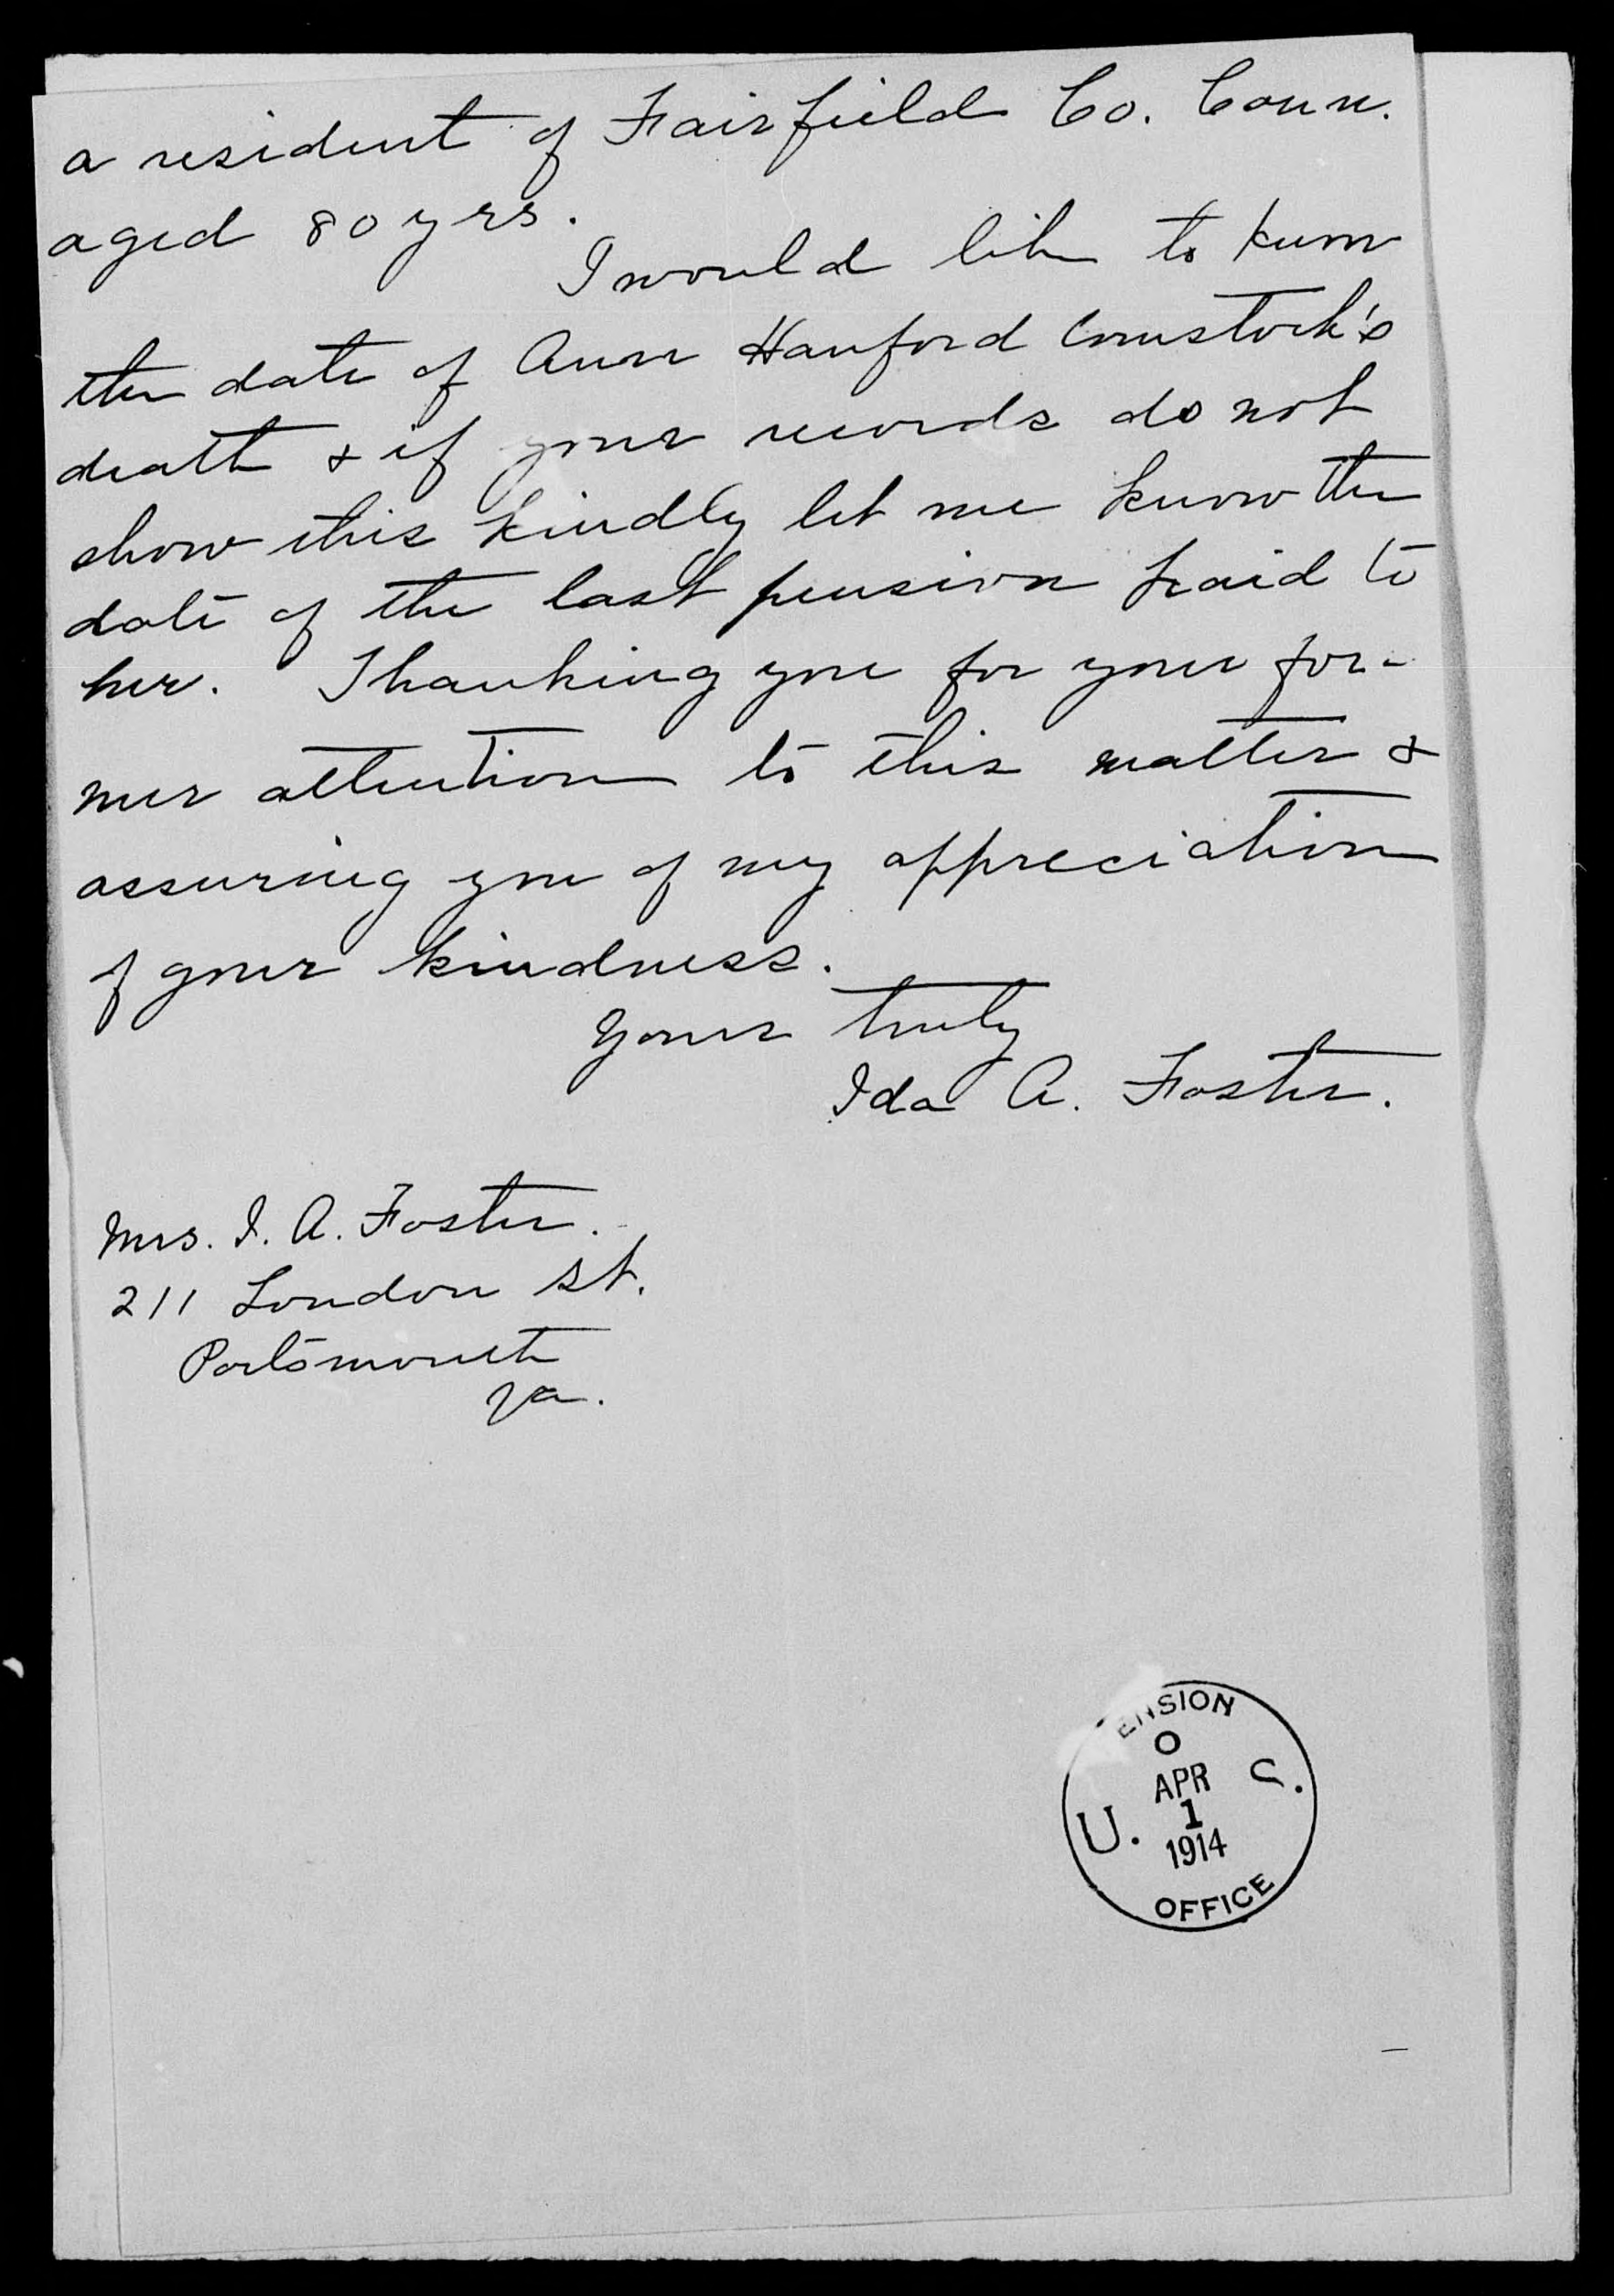a resident of Fairfield Co. Conn. aged 80 yrs.
I would like to know the date of Ann Hanford Comstock's death & if your records do not show this kindly let me know the date of the last pension paid to her. Thanking you for your former attention to this matter & assuring you of my appreciation of your kindness.
yours truly
Ida A. Foster.

Mrs. I. A. Foster.
211 London St.
Portsmouth
Va.

[circular stamp] PENSION
O
APR
U. 1 S.
1914
OFFICE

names: I A Foster, Ida A Foster, Ann Hanford Comstock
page: 20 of 43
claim: widow's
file: W. 17,647, Aaron Comstock, Conn.